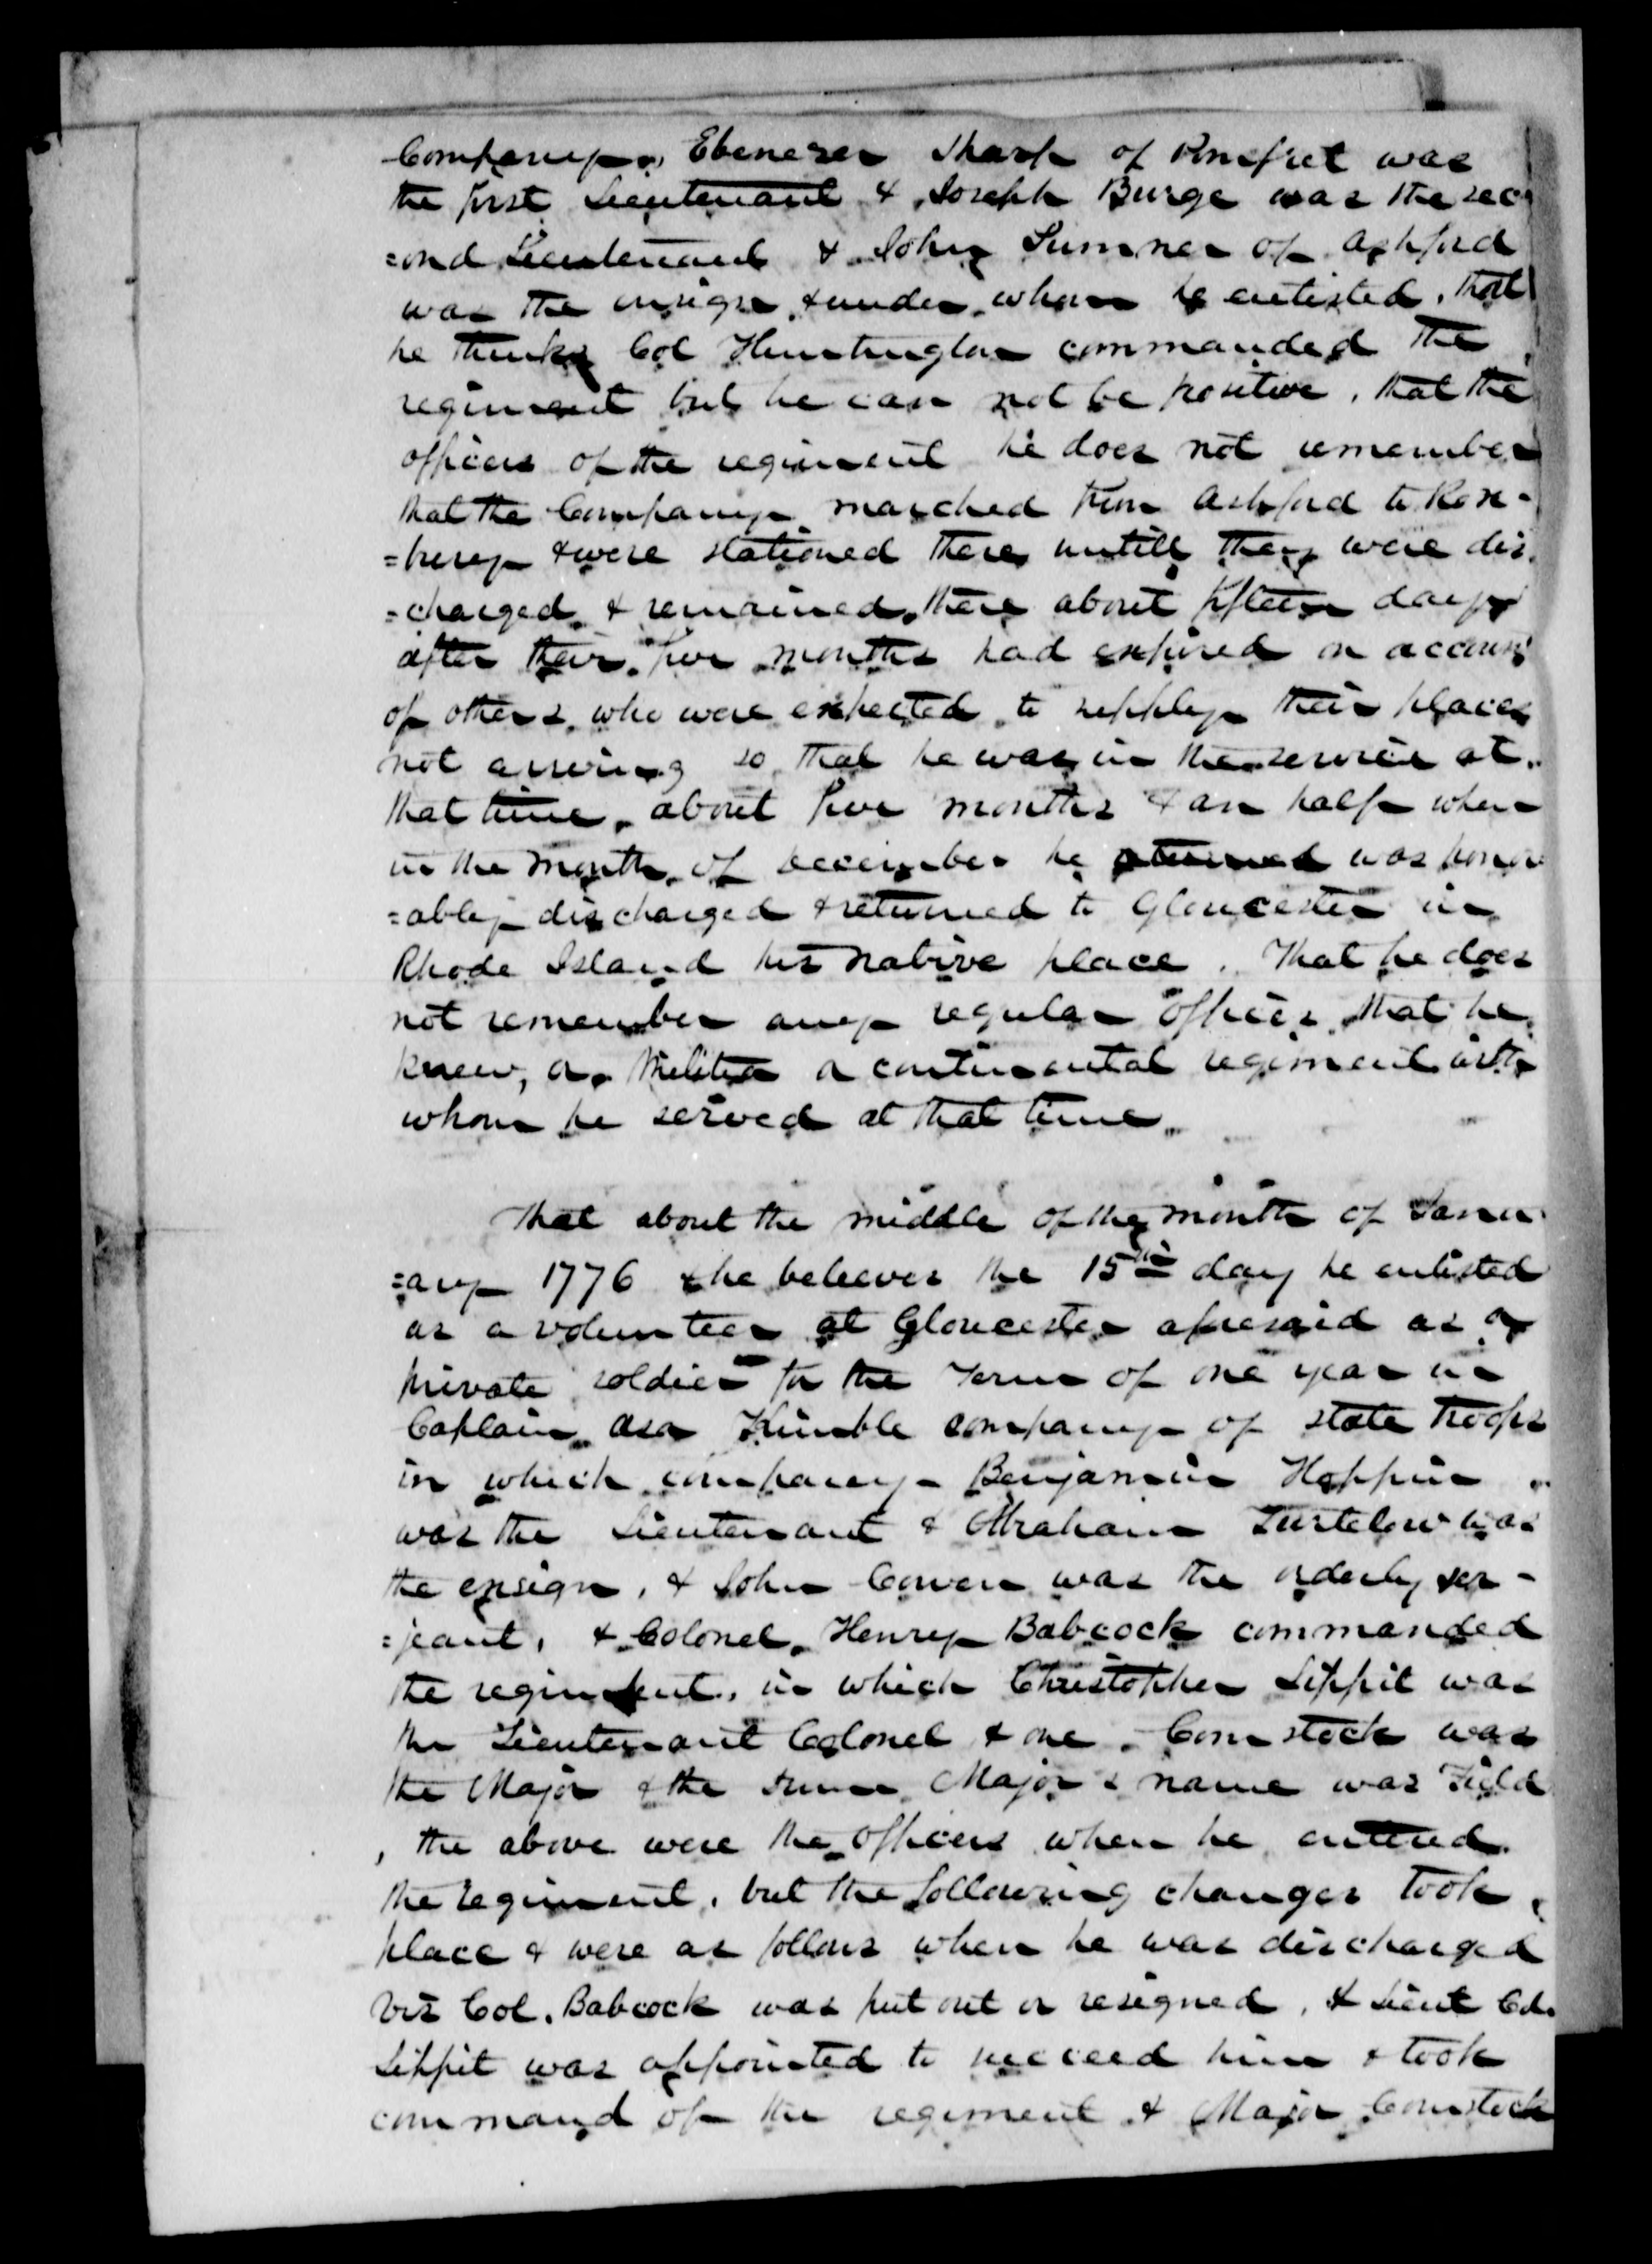Company, Ebenezer Sharp of Pinsfret was the first Lieutenant & Joseph Burge was the second Lieutenant & John Sumner of Ashford was the ensign & under whom he enlisted, that he thinks Col Huntington commanded the regiment but he can not be positive, that the officers of the regiment he does not remember that the Company marched from Ashford to Ronberry & were stationed there untill they were discharged & remained there about fifteen days after their five months had expired on account of others who were expected to resupply their place not arriving so that he was in the service at that time, about five months & an half when in the month of December he was honorably discharged & returned to Gloucester in Rhode Island his native place.  That he does not remember any regular officers that he knew, a Militia a continental regiment with whom he served at that time.

That about the middle of the month of January 1776 he believes the 15th day he enlisted as a volunteer at Gloucester aforesaid as a private soldier for the term of one year in Captain Asa Kimble company of state troops in which company Benjamin Hoppins was the Lieutenant & Abraham Turtelow was the ensign, & John Cowen was the orderly sergeant, & Colonel Henry Babcock commanded the regiment, in which Christopher Lippit was the Lieutenant Colonel & one Comstock was the Major & the other Majors name was Field, the above were the officers when he entered the regiment, but the following changes took place & were as follows when he was discharged vis Col. Babcock was put out or resigned, & Liuet Colo Lippit was appointed to succeed him & took command of the regiment & Major Comstock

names: Joseph Burge, John Cowen, Ebenezer Sharp, John Sumner, Christopher Lippit, Huntington, Abraham Turtelow, Comstock, Henry Babcock, Benjamin Hoppin, Field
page: 7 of 18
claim: survivor's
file: S. 11731, Robert Whippel, Continental Mass R. I.